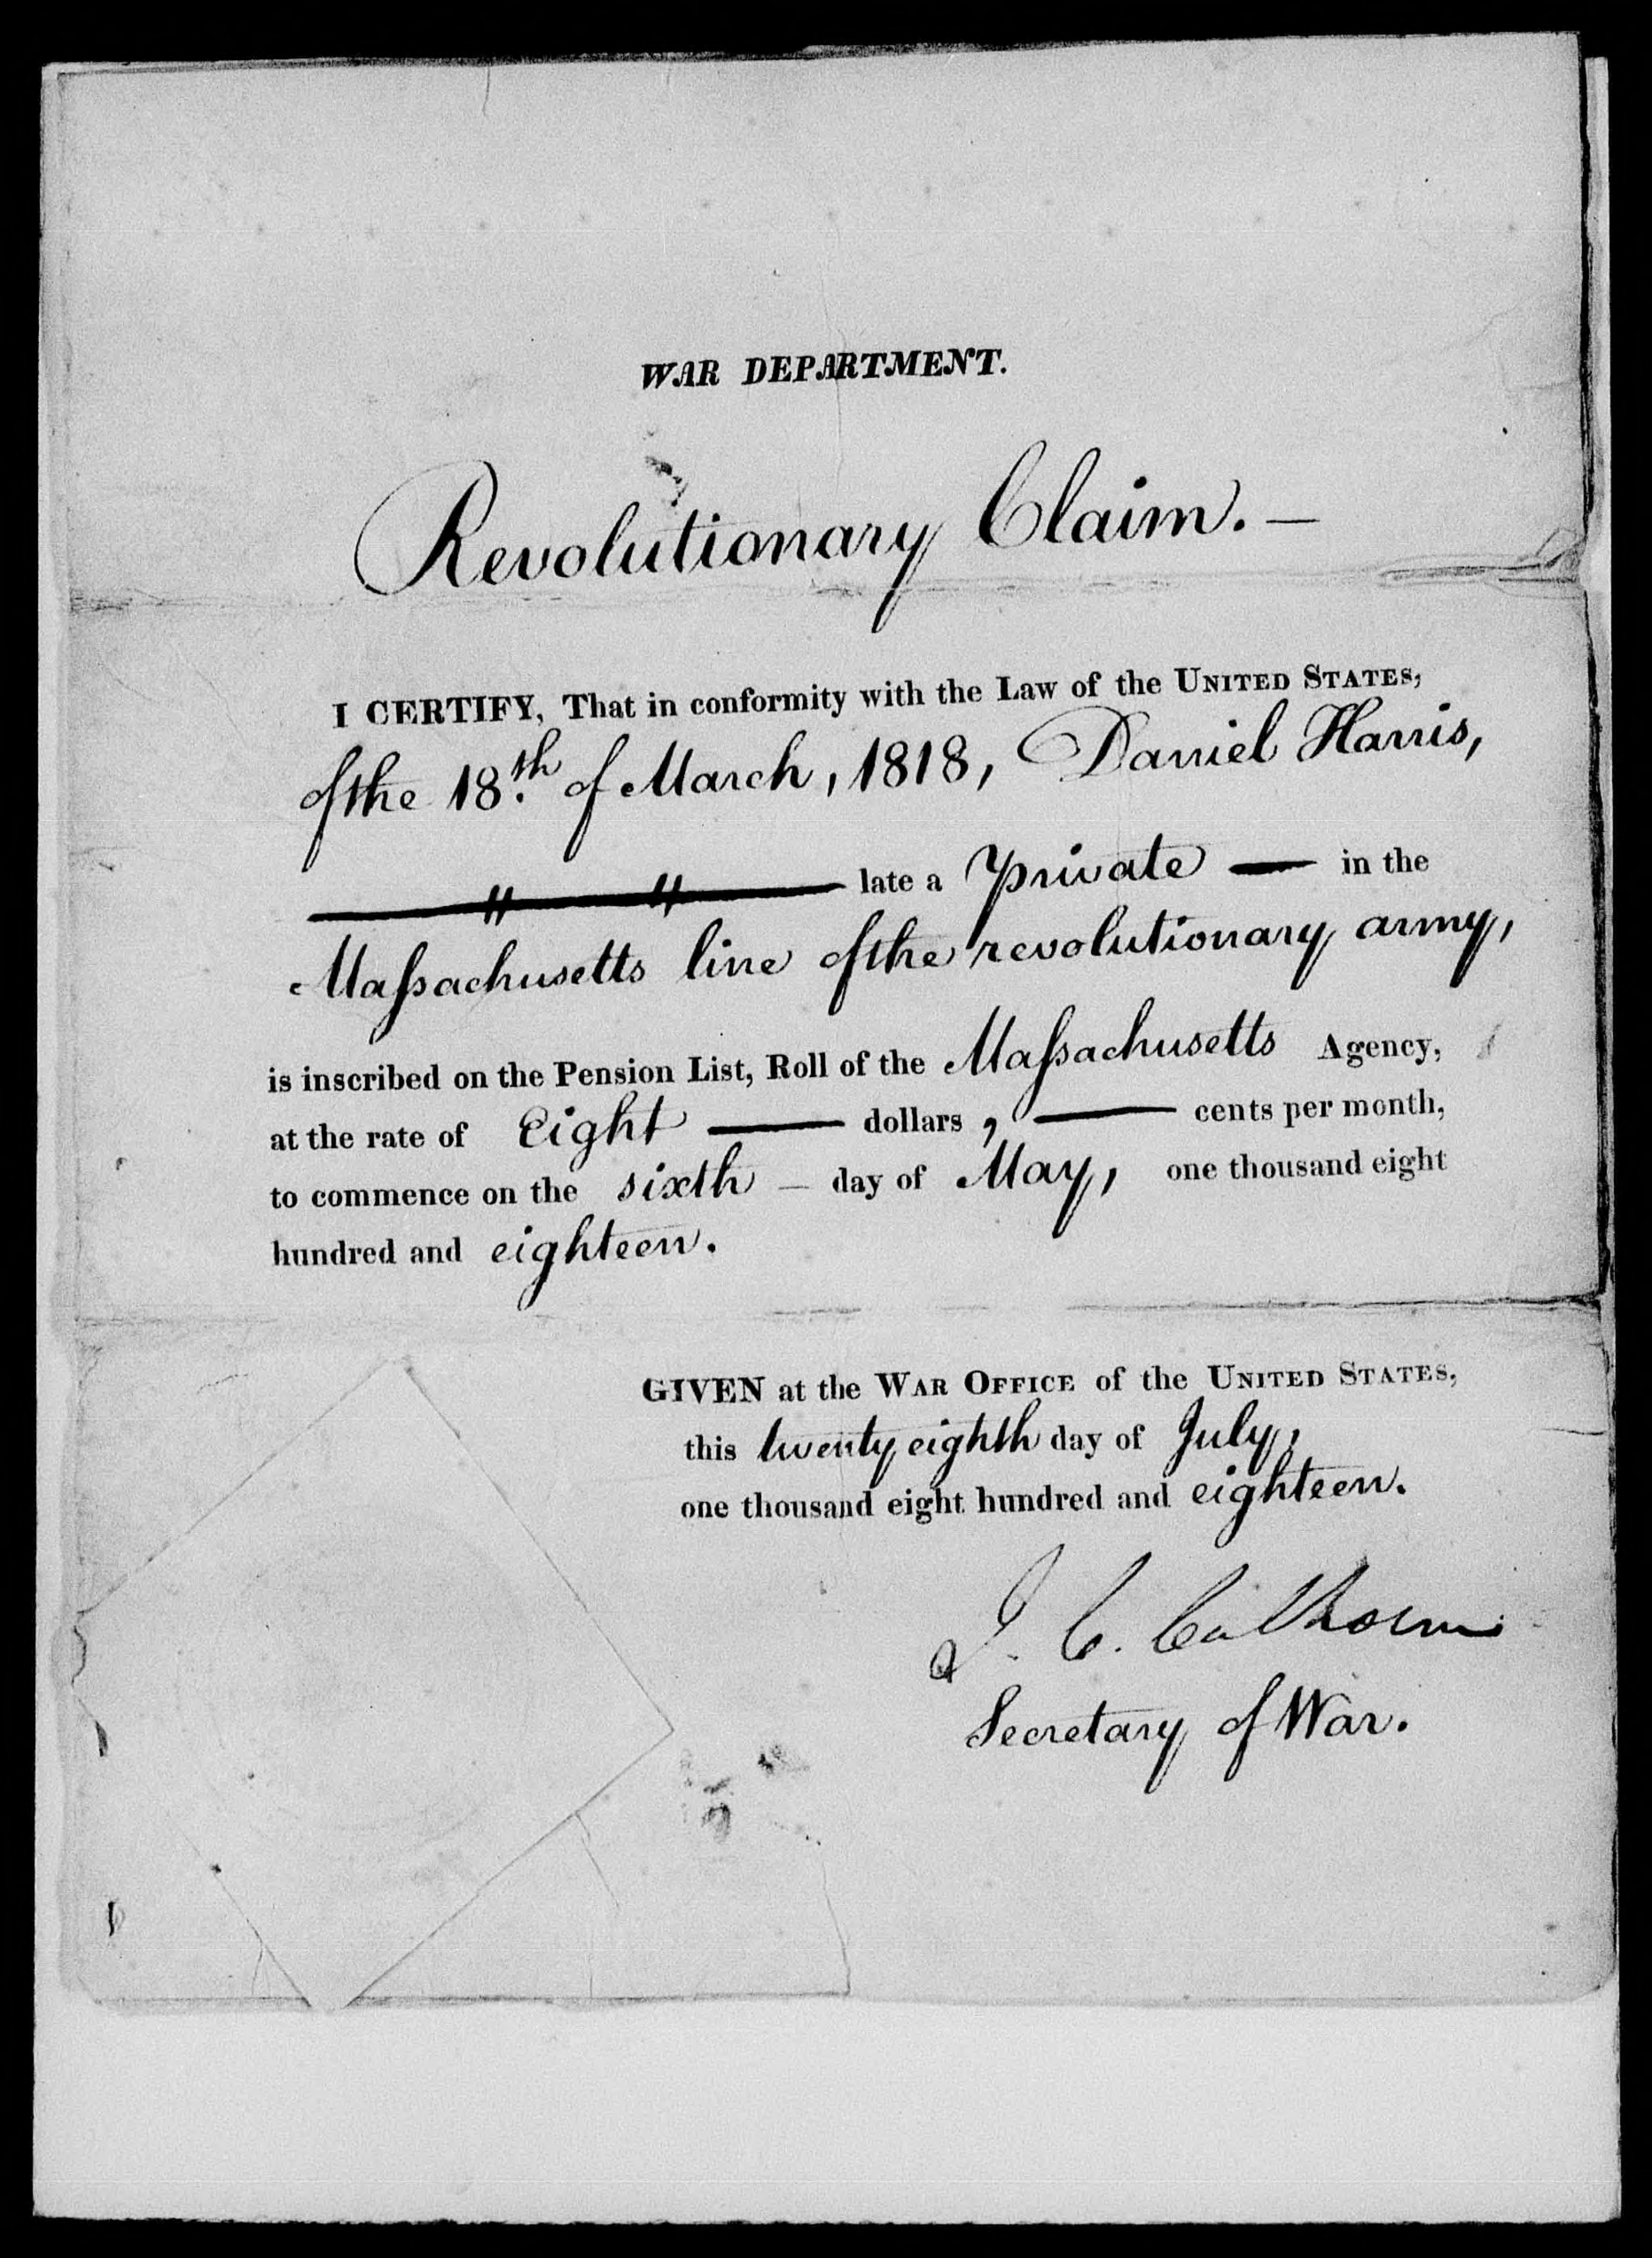WAR DEPARTMENT 

Revolutionary Claim. 

I CERTIFY, That in conformity with the Law of the United States of the 18th of March, 1818, Daniel Harris, late a private in the Massachusetts line of the revolutionary army, is inscribed on the Pension List, Roll of the Massachusetts Agency, at the rate of Eight dollars, ____cents per month, to commence on the sixth day of May, one thousand eight hundred and eighteen. 

GIVEN at the WAR OFFICE of the United States this twenty eighth day of July, one thousand eight hundred and eighteen.

Signature of J.C. Calhoun
Secretary of War.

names: Daniel Harris, J C Calhoun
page: 23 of 68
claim: survivor's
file: S. 29,877, Daniel Harris, Mass.